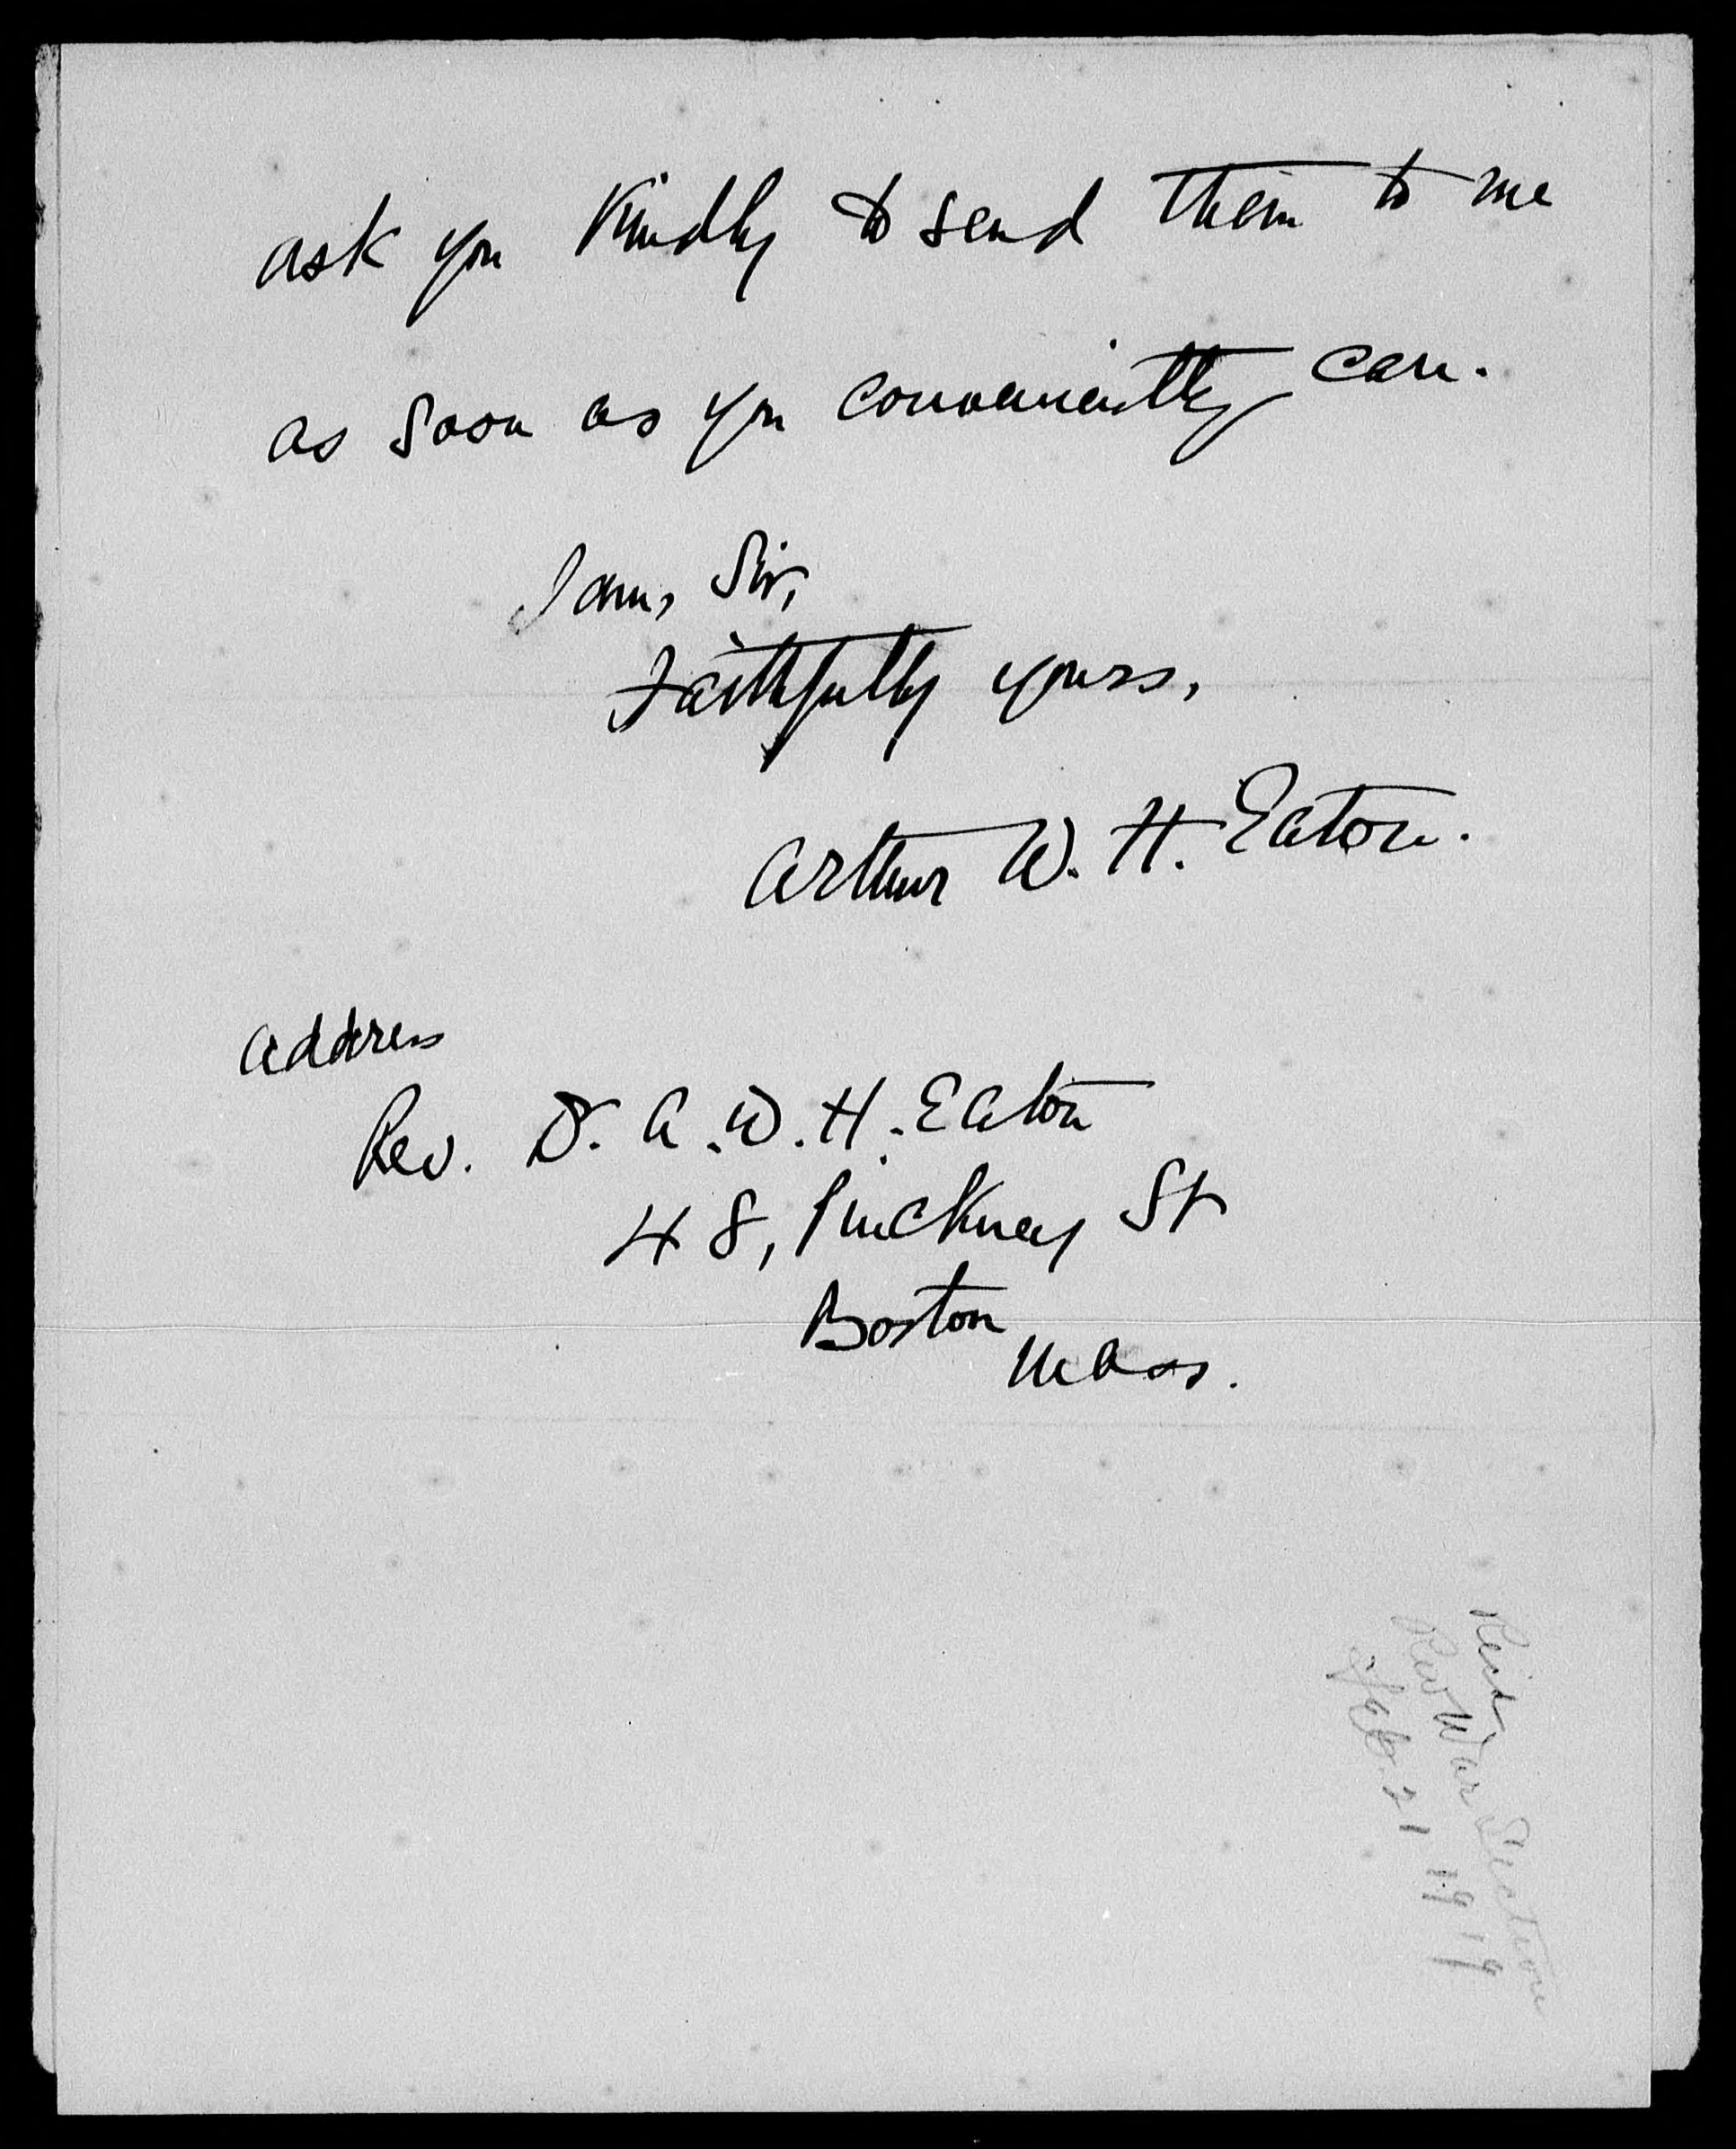ask you kindly to send them to me as soon as you conveniently can. 

I am, Sir, 
Faithfully yours, 
Arthur W.H. Eaton

Address
Rev. D.A.W.H. Eaton
48, Pinckney St
Boston, Mass.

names: Arthur W H Eaton, A W H Eaton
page: 29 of 32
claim: widow's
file: W. 24,173, Nathaniel Fales, R.I.